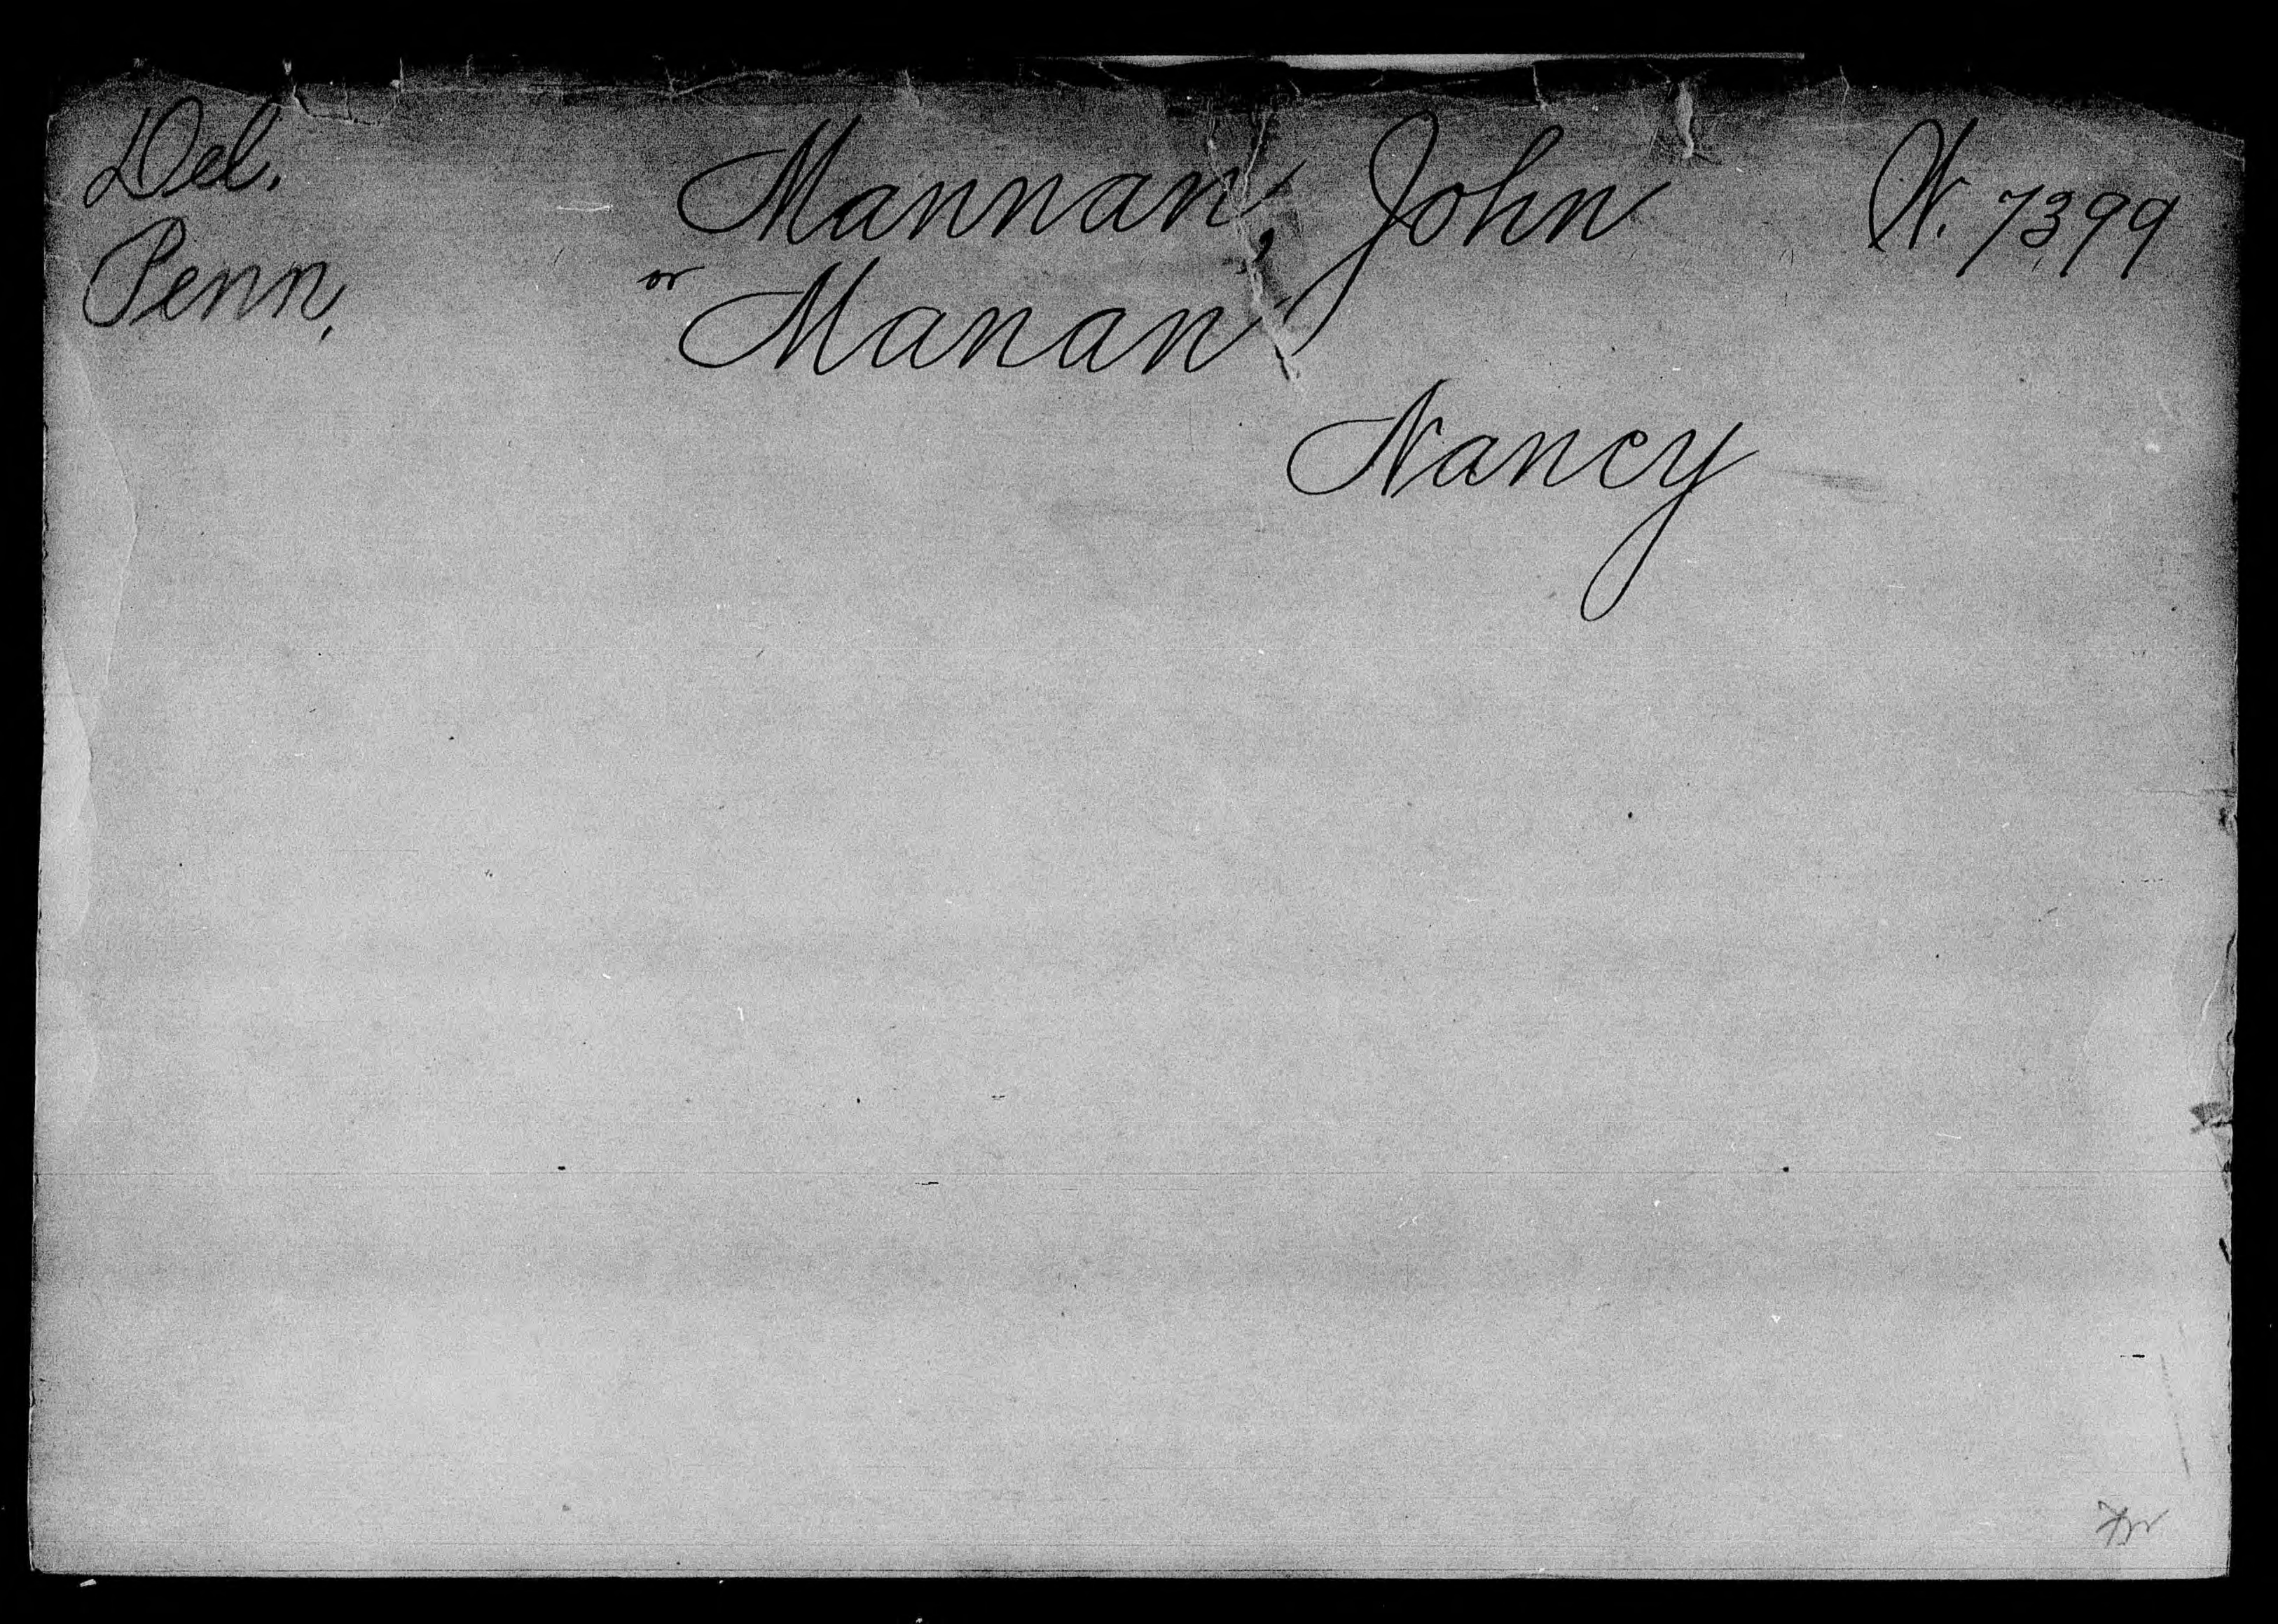Del. Mannan, John  W. 7399
Penn. Manan 
Nancy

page: 1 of 1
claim: widow's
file: W. 7399, for John Mannan, Delaware